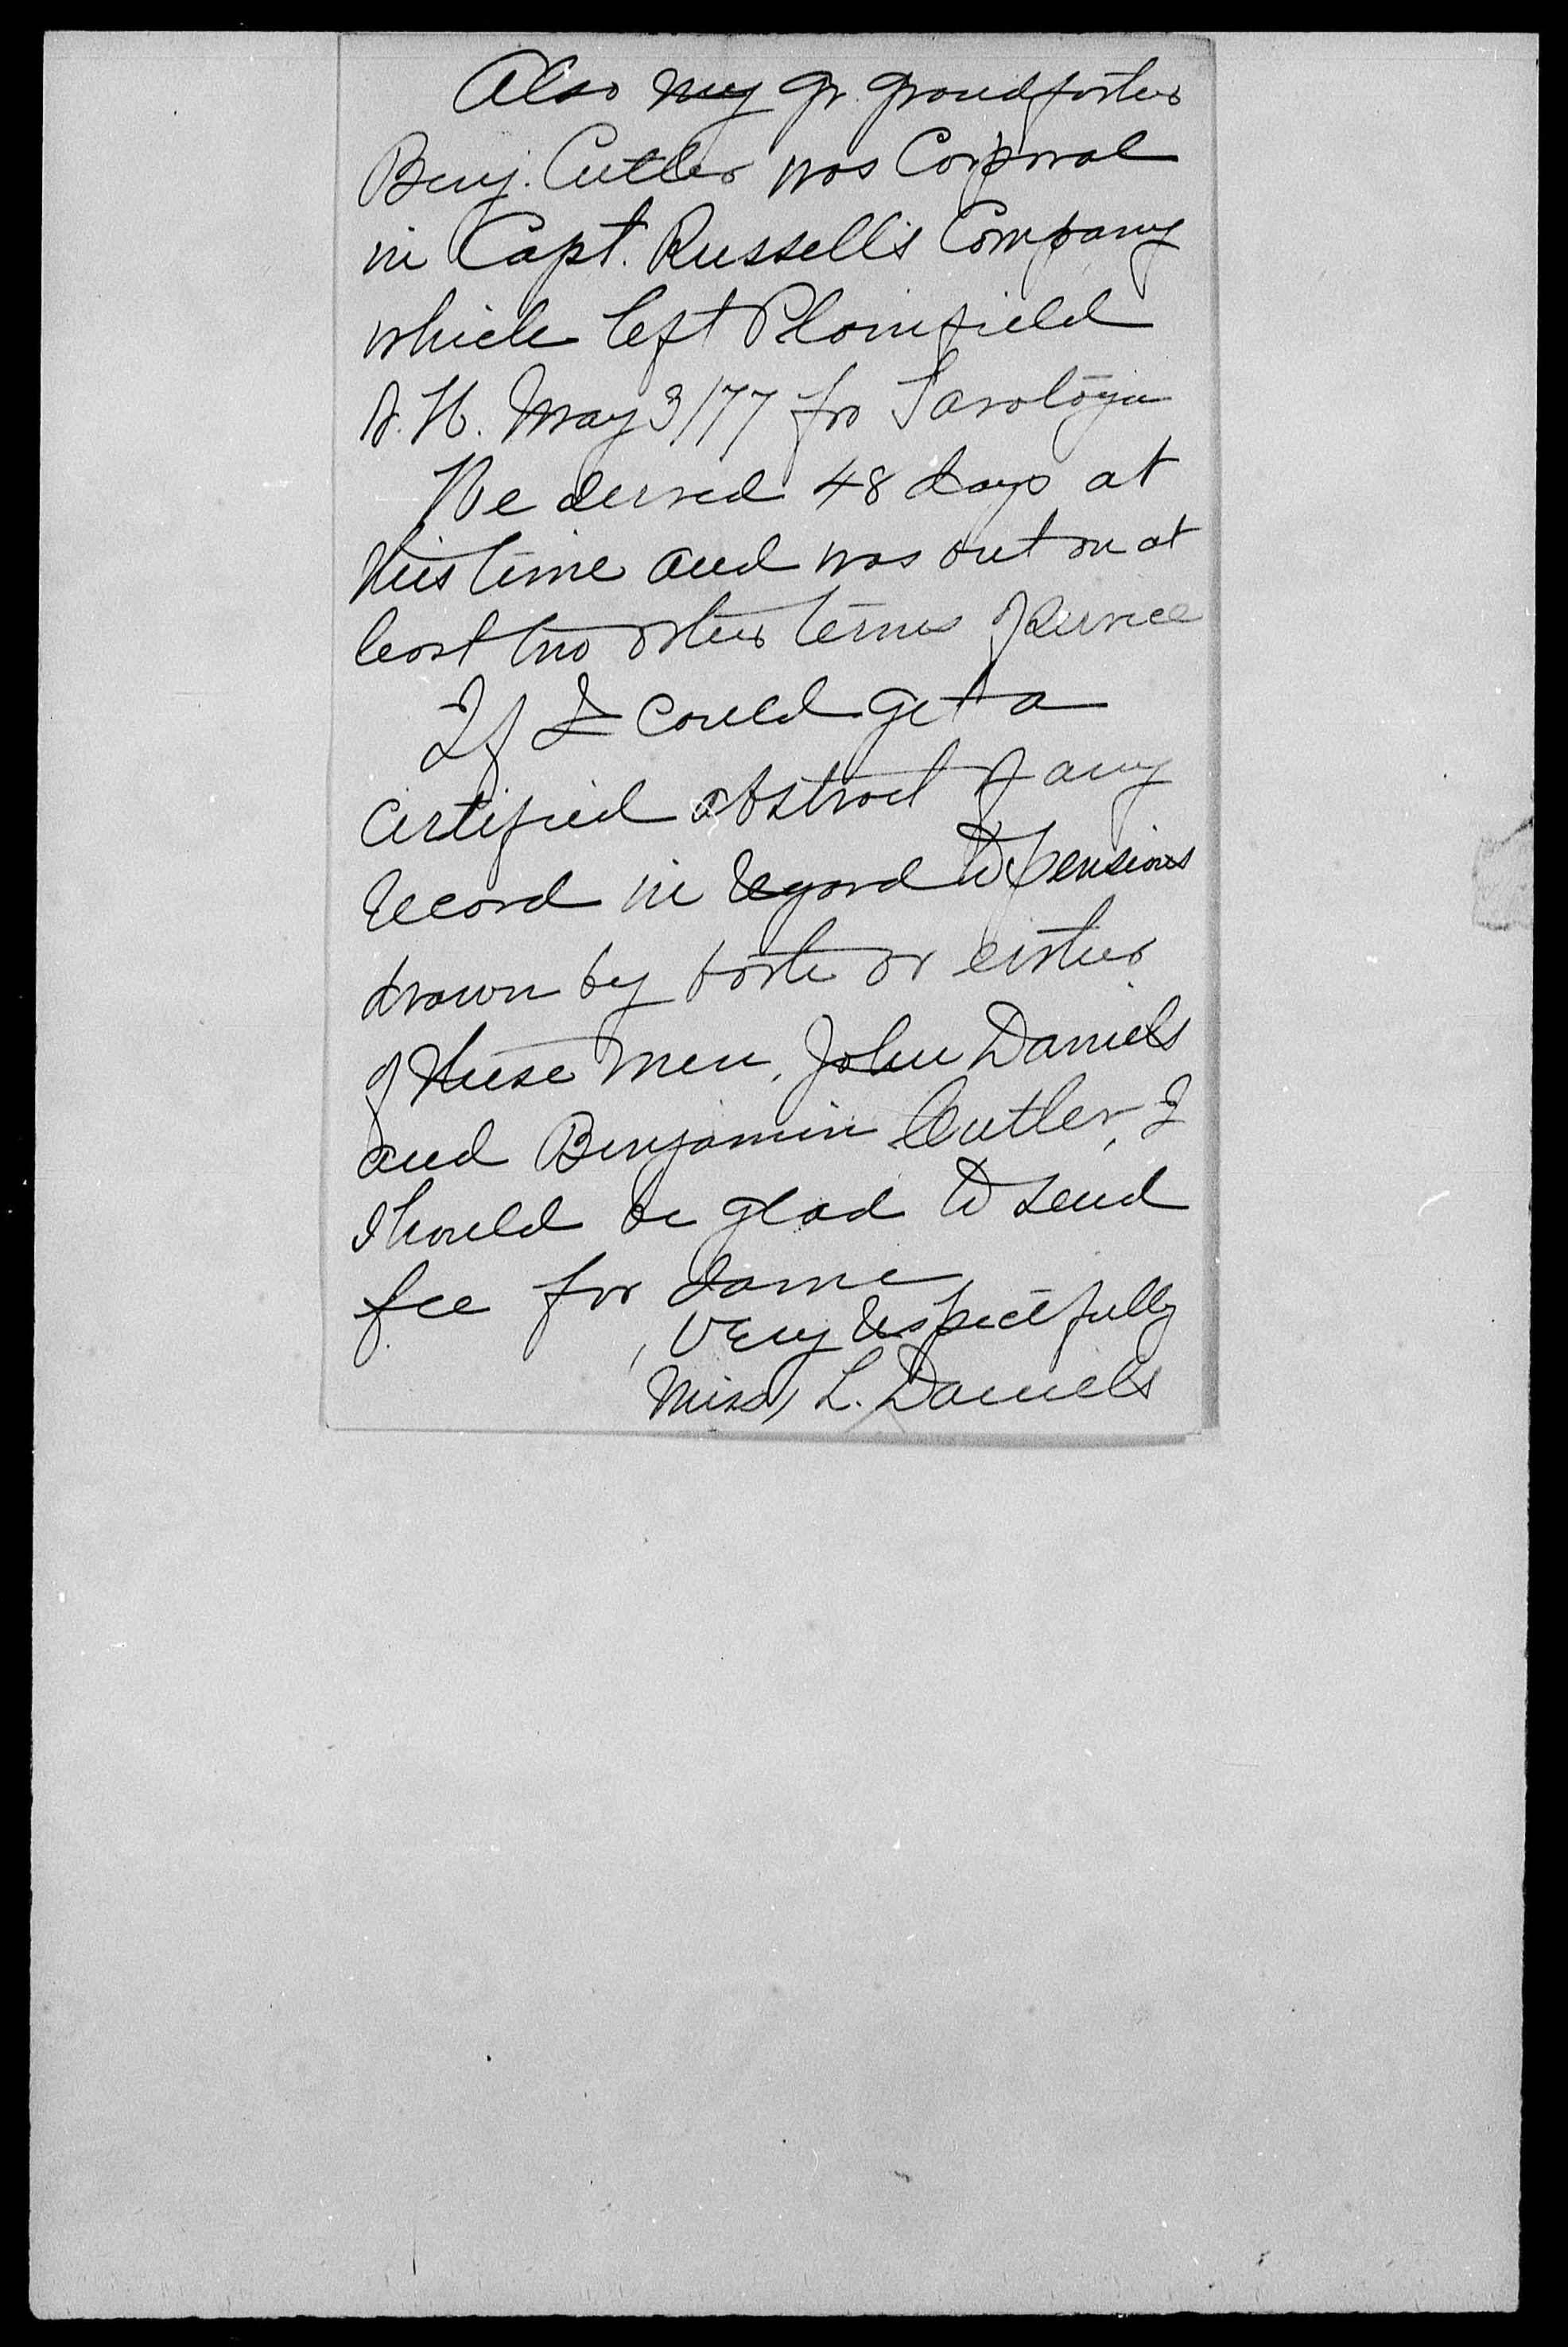Also my gr. grandfather Benj. Cutler was Corporal in Capt. Russell's Company which left Plainfield N.H. May 3 1777 for Saratoga.  He served 48 days at this time and was out on at least two other terms of service.
If I could get a certified abstract of any record in regard to pensions drawn by both or either of these men, John Daniels and Benjamin Cutler, I should be glad to send fee for same.
Very respectfully,
[signed] Miss L. Daniels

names: Benjamin Cutler, John Daniels, L Daniels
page: 32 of 43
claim: widow's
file: W 683, John Daniels, Continental Mass. N.H.